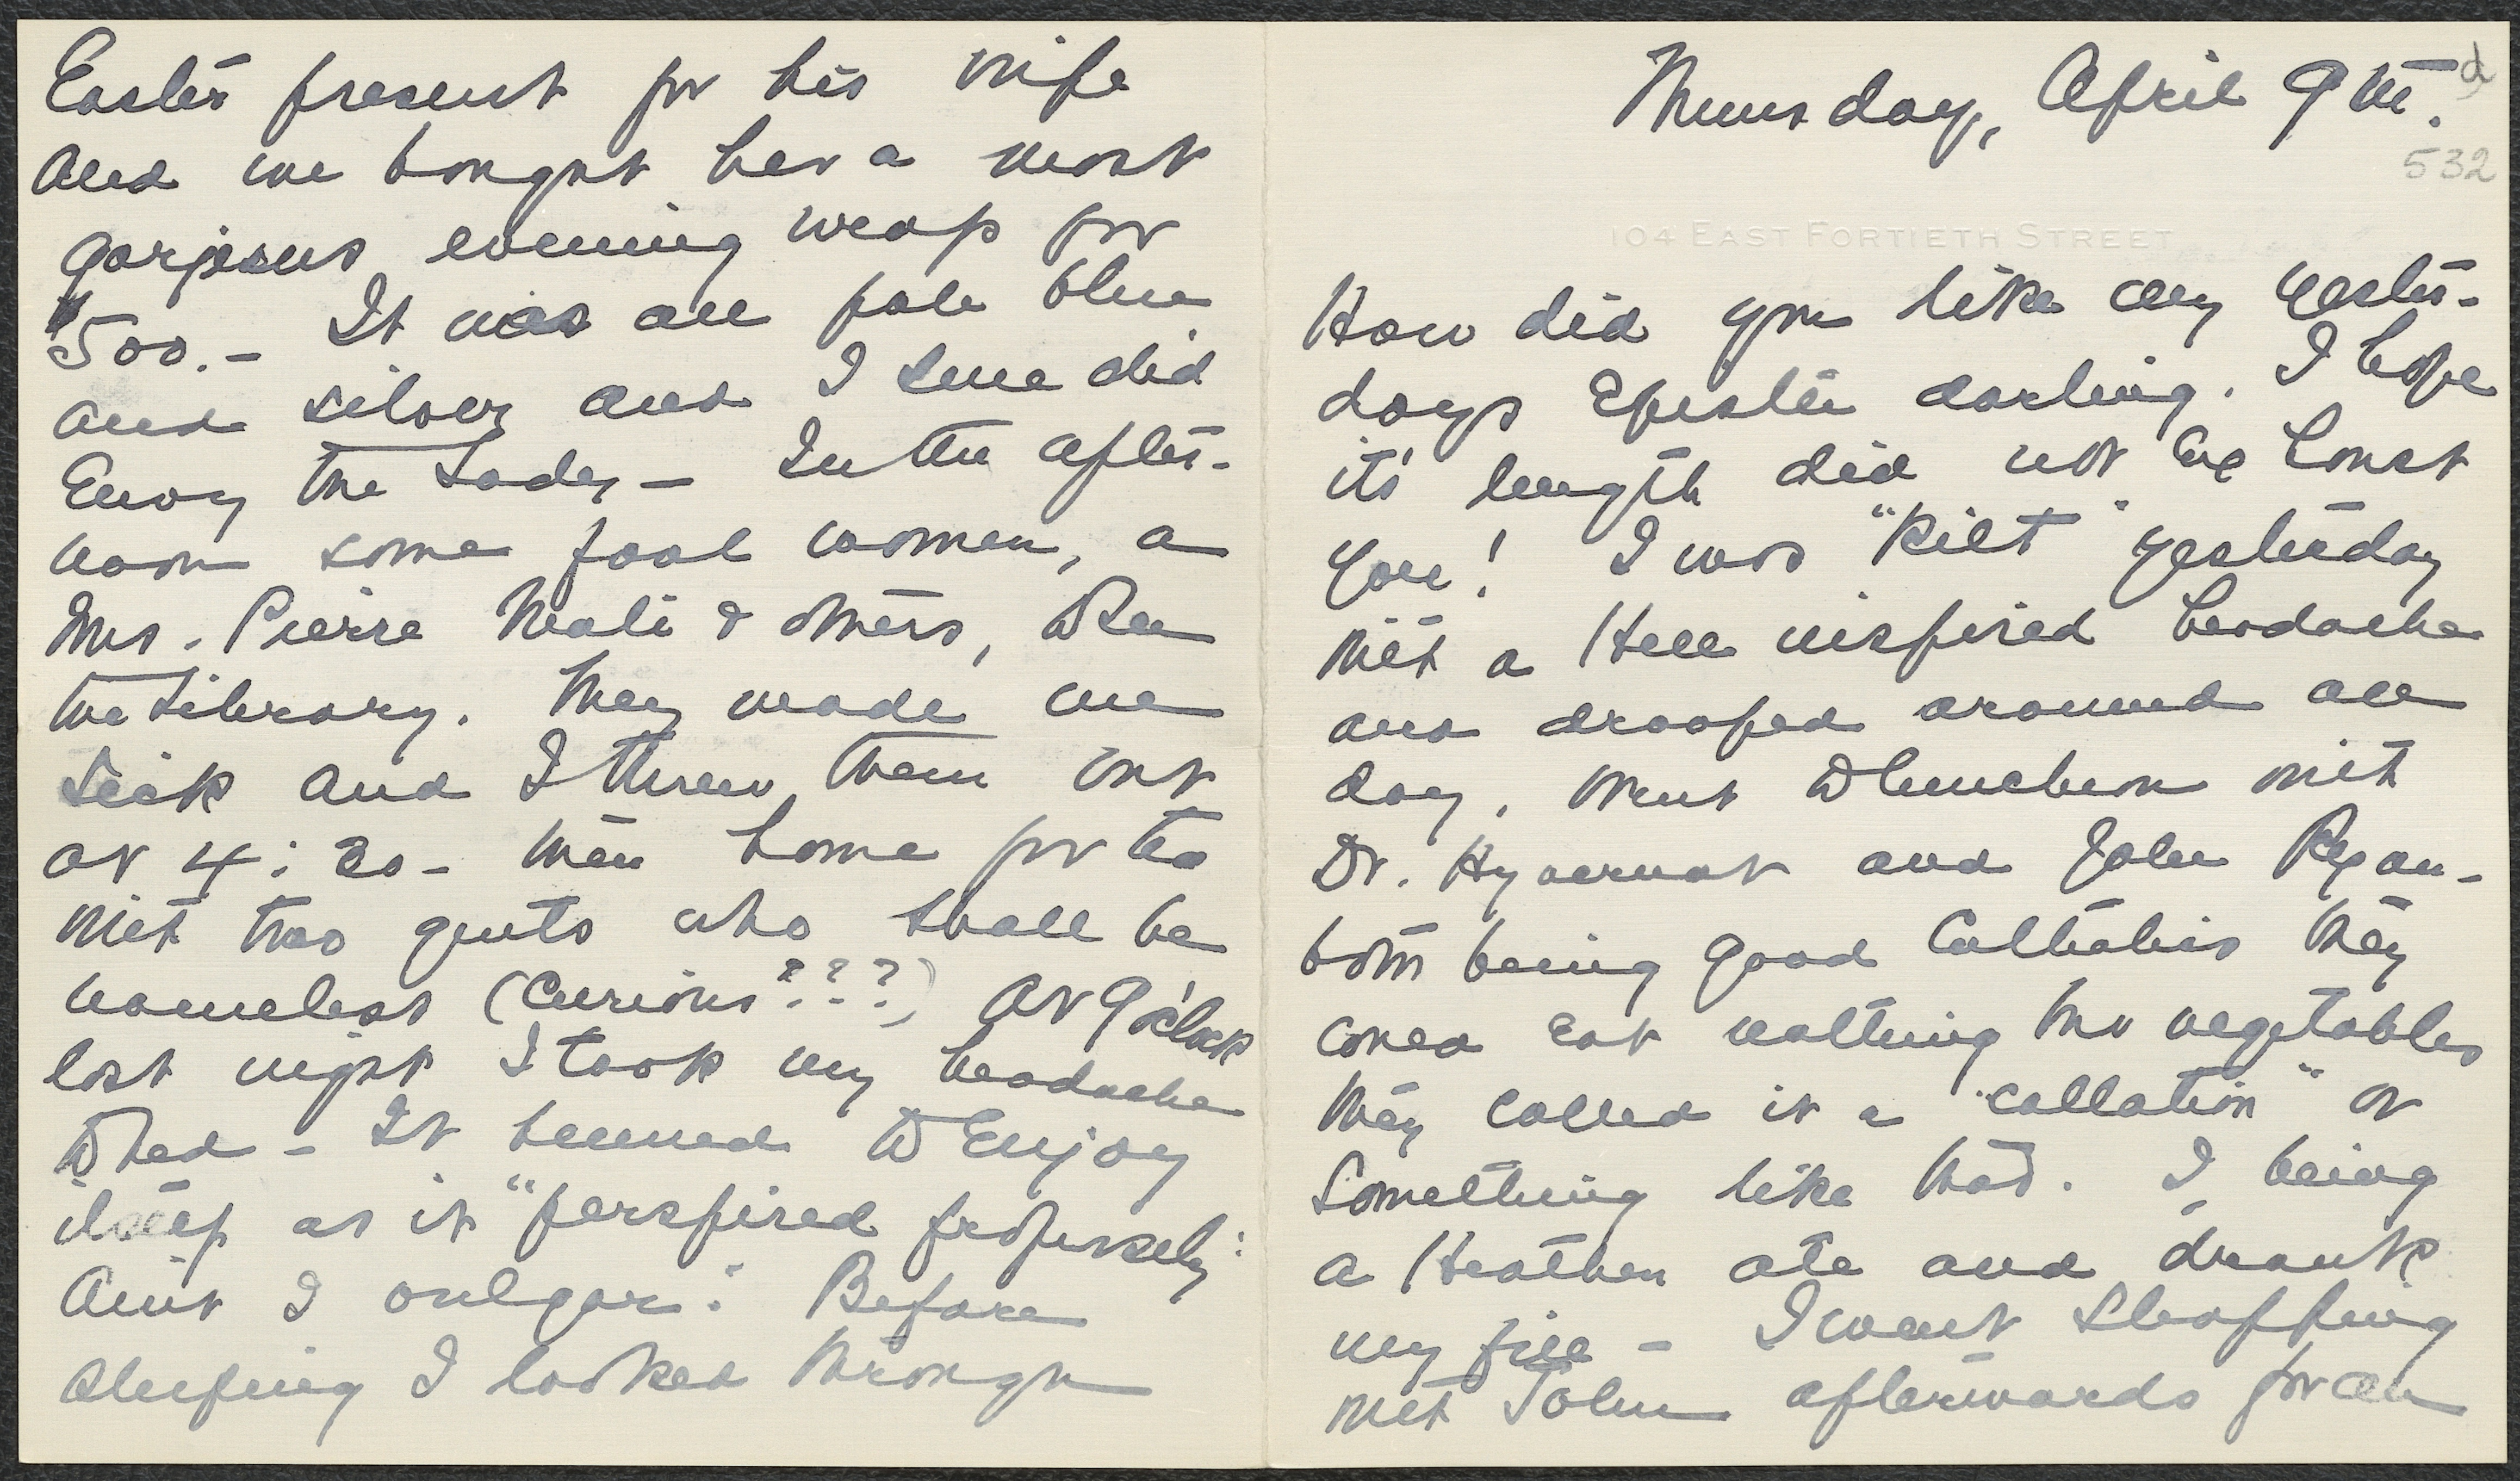Thursday, April 9th.
How did you like my yesterdays epistle darling. I hope it’s [sic] length did not exhaust you! I was “kilt” yesterday with a Hell inspired headache and drooped around all day. Went to luncheon with Dr. Hyvernat and John Ryan – both being good Catholics they could eat nothing but vegetables they called it a “collation” or something like that. I, being a Heathen ate and drank my fill – I went shopping with John afterwards for an
Easter present for his wife and we bought her a most gorgeous evening wrap for $500. – It was all pale blue and silver and I sure did envy the lady – In the afternoon some fool women, a Mrs. Pierre Mali & others, to see the Library. They made me sick and I threw them out at 4:30 – then home for tea with two gents who shall be nameless (curious???) At 9 o’clock last night I took my headache to bed – It seemed to enjoy itself as it “perspired profusely”
Ain’t I vulgar? Before sleeping I looked through